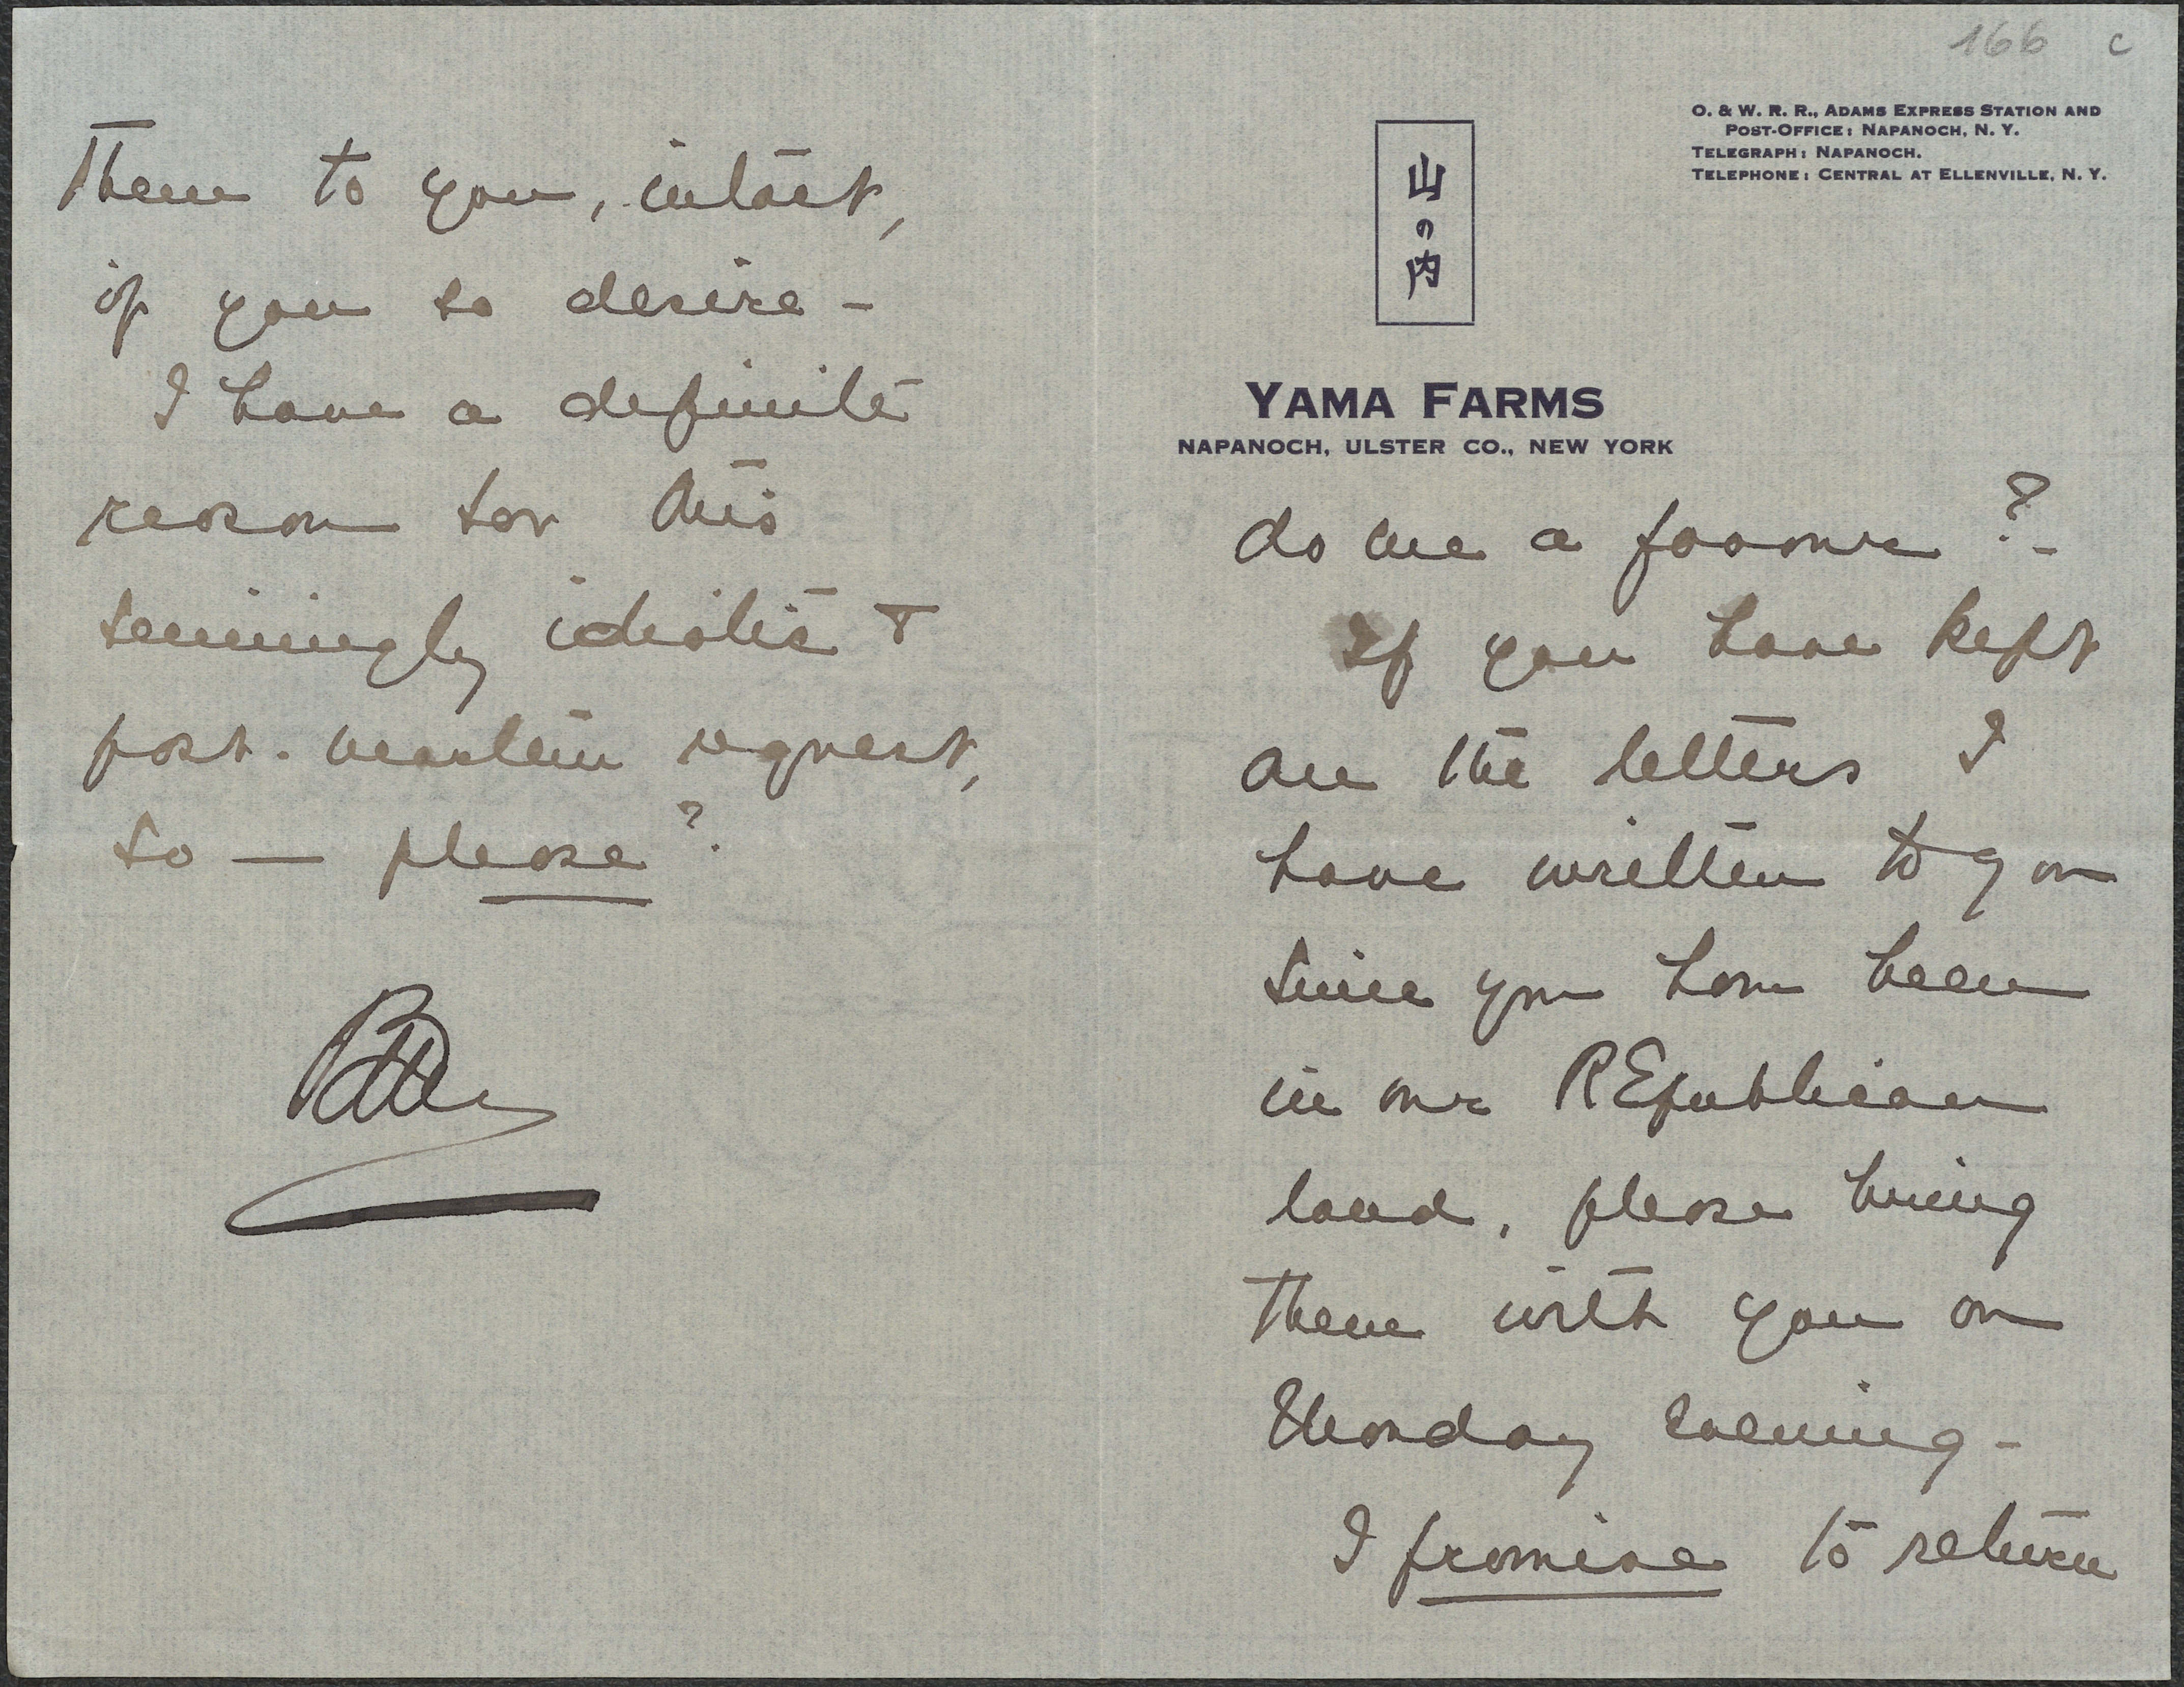do me a favour? –
If you have kept all the letters I have written to you since you have been in our Republican land, please bring them with you on Monday evening –
I promise to return
them to you, intact, if you so desire –
I have a definite reason for this seemingly idiotic & post-mortem request, so – please?
Belle